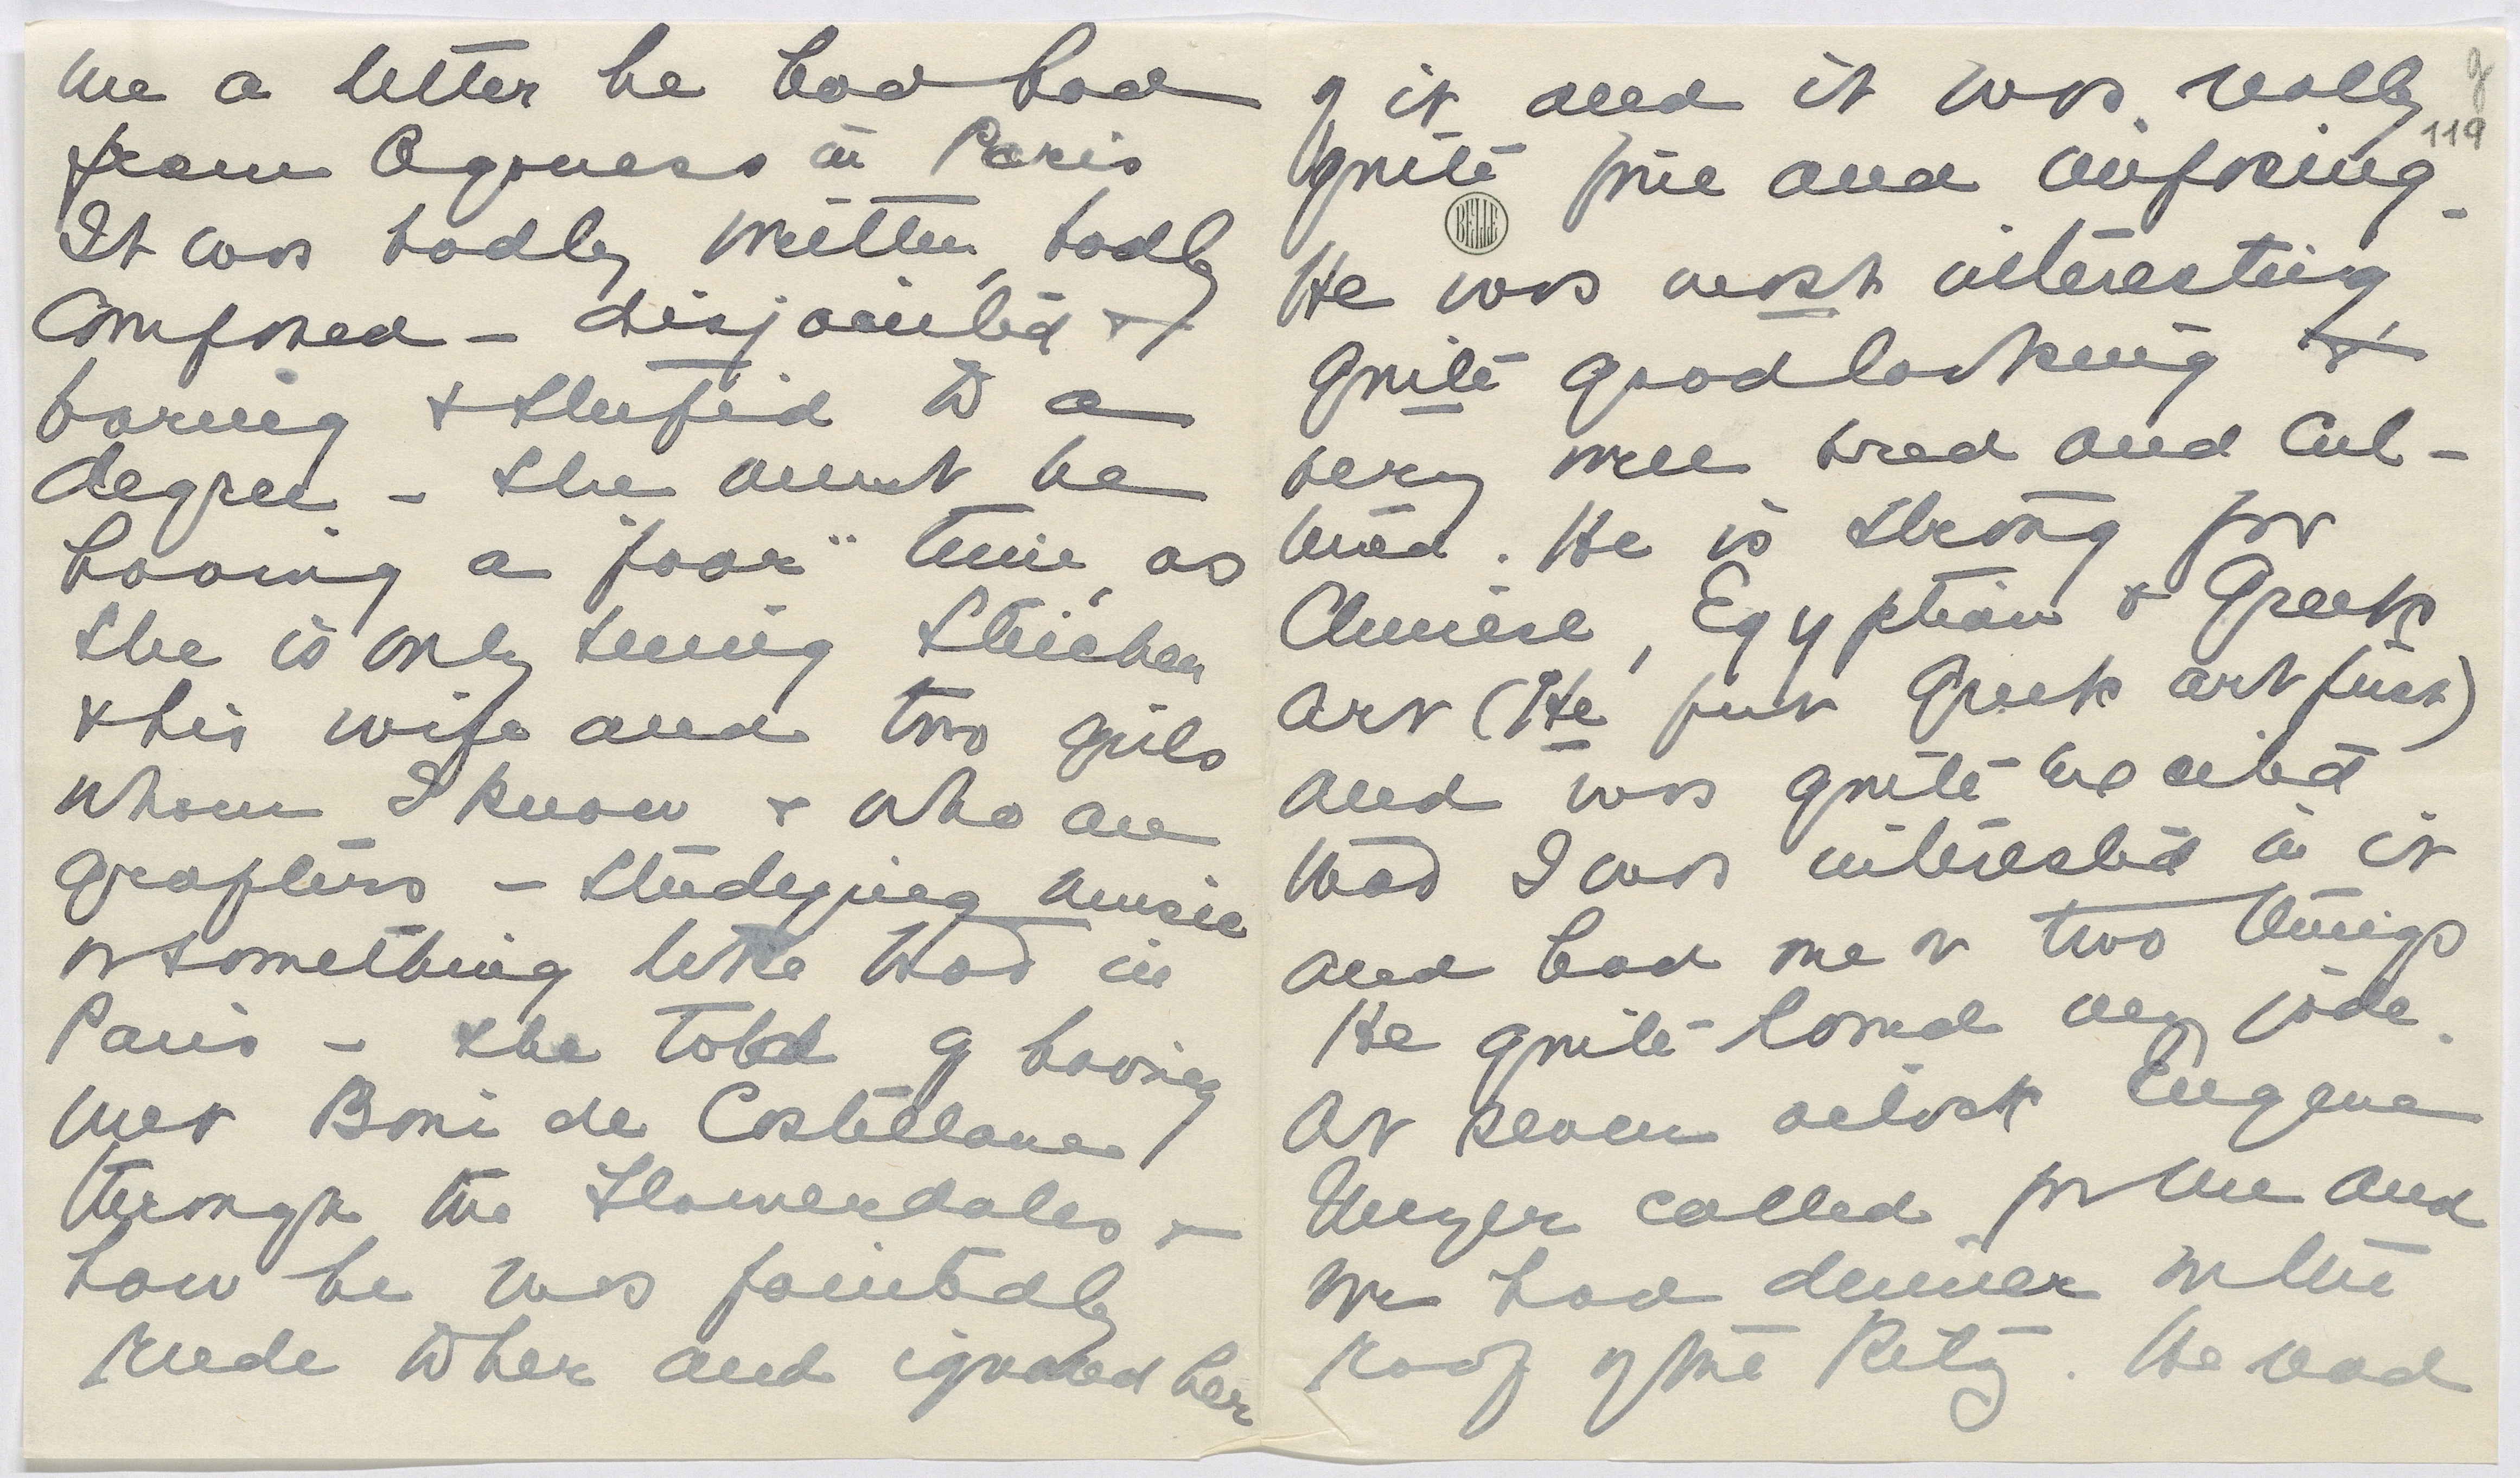of it and it was really quite fine and imposing – He was most interesting, quite good looking & very well bred and cultured. He is strong for Chinese, Egyptian & Greek art (He put Greek art first) and was quite excited that I was interested in it and had one or two things He quite loved my jade. At seven o’clock Eugene Meyer called for me and we had dinner on the roof of the Ritz. He read
me a letter he had had from Agoness in Paris It was badly written, badly composed – disjointed & boring & stupid to a degree – She must be having a “poor” time, as she is only seeing Steichen & his wife and two girls whom I know & who are grafters – studying music or something like that in Paris – she told of having met Boni de Castellane through the Flowerdales & how he was pointedly rude to her and ignored her